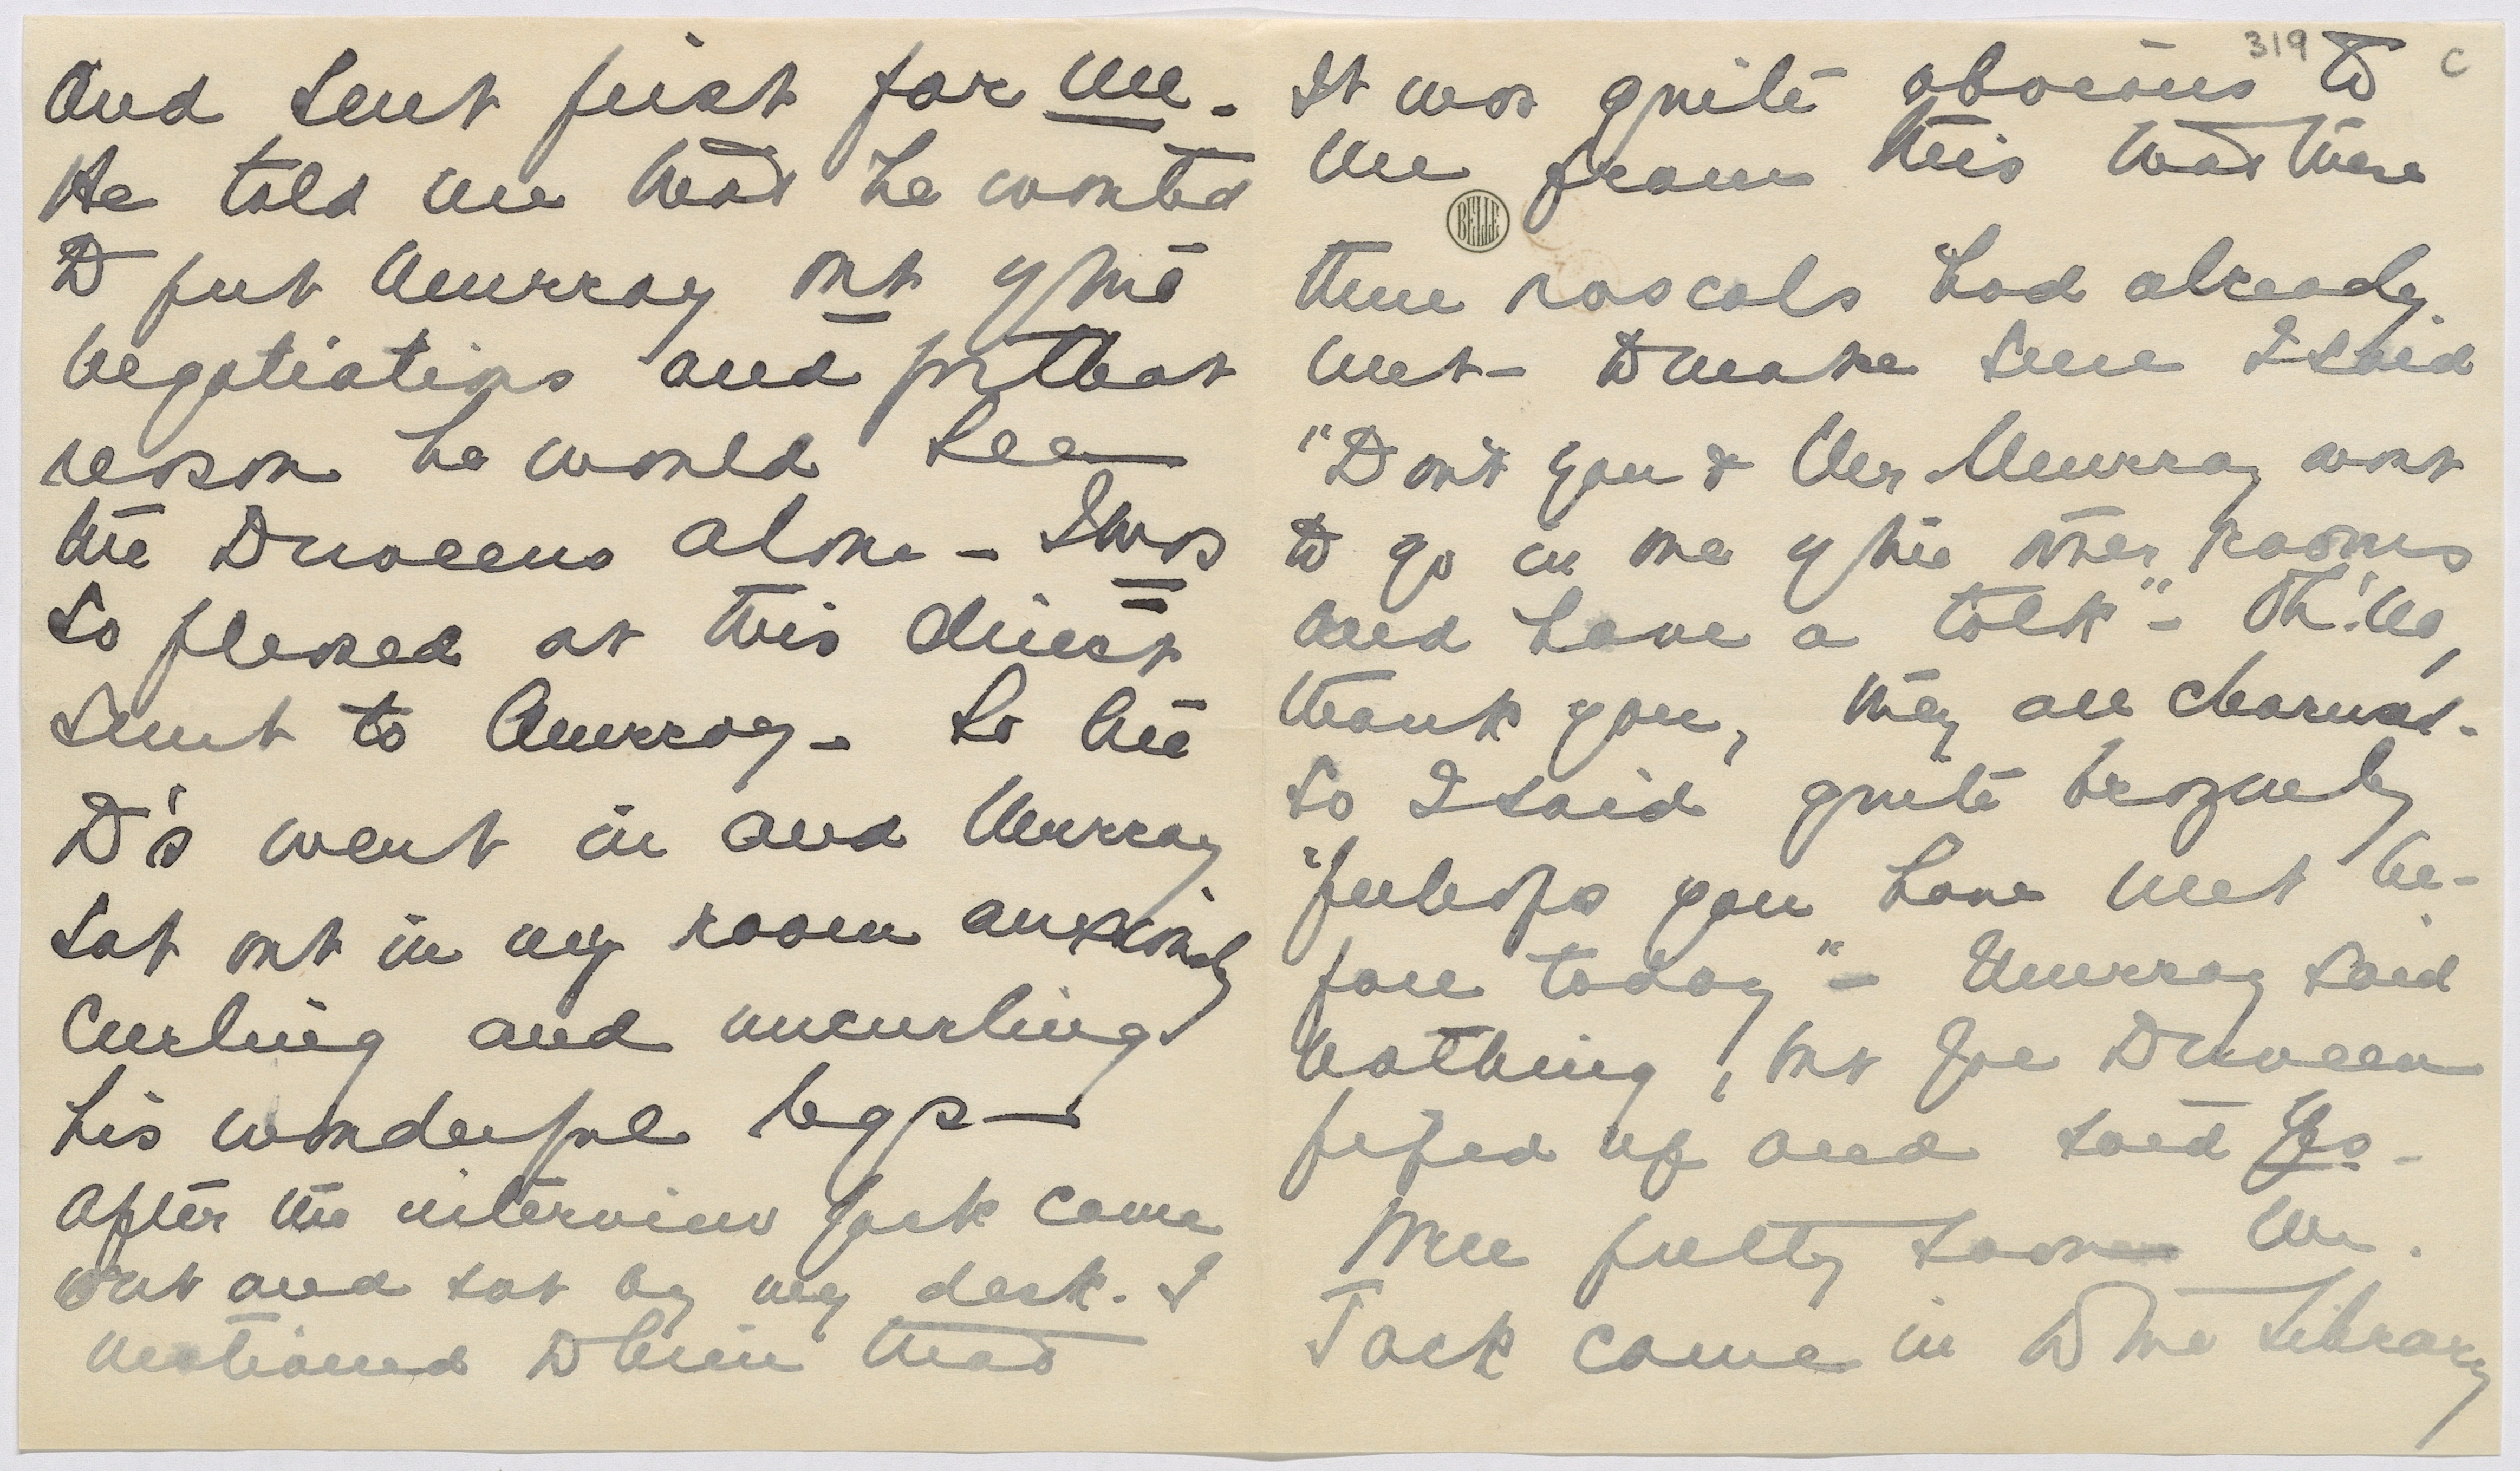It was quite obvious to me from this that these three rascals had already met – to make sure I said “Don’t you & Mr. Murray want to go in one of his other rooms and have a talk” – Oh! No, thank you, they are chorused – So I said quite brazenly “perhaps you have met before today” – Murray said nothing, but Joe Duveen piped up and said Yes –
Well pretty soon Mr. Jack came in the Library
and sent first for me. He told me that he wanted to put Murray out of the negotiations and for that reason he would see the Duveens alone – I [double underlined: was] so pleased at this direct snub to Murray – So the D’s went in and Murray sat out in my room anxiously curling and uncurling his wonderful legs – After the interview Jack came out and sat by my desk. I mentioned to him that